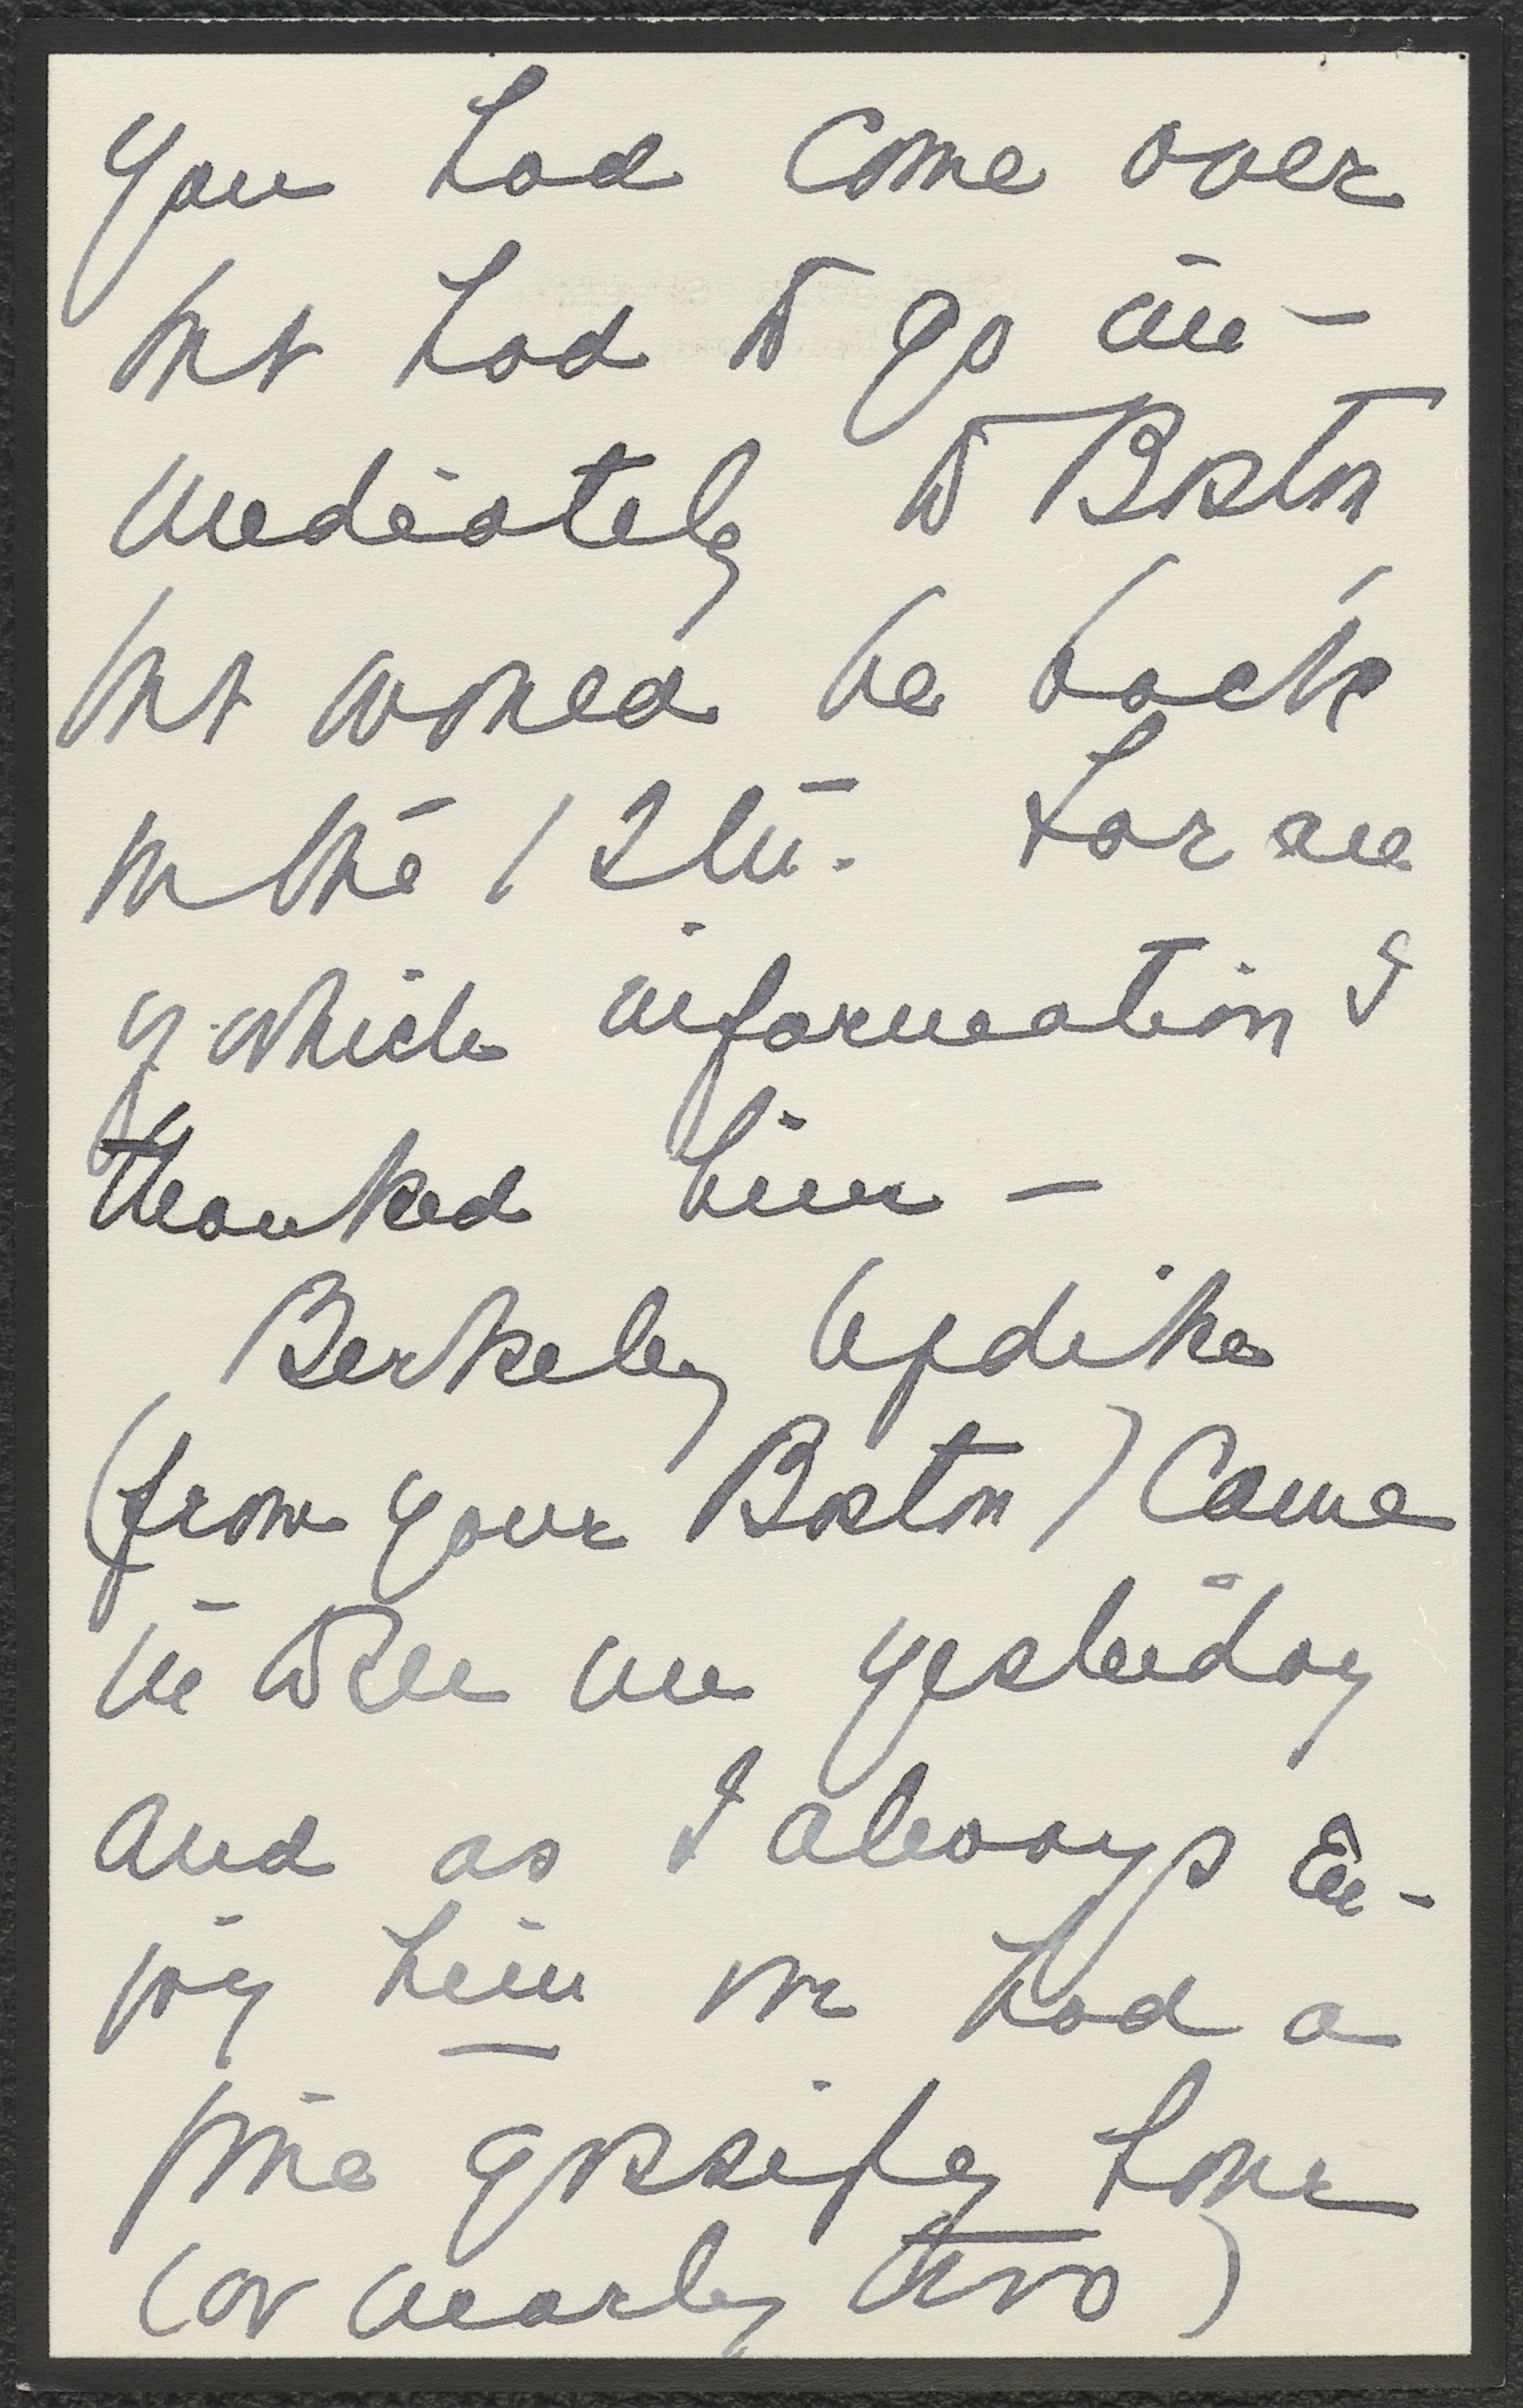you had come over but had to go immediately to Boston, but would be back on the 12th. For all of which information I thanked him –
Berkeley Updike (from your Boston) came in to see me yesterday and as I always enjoy him we had a fine gossipy hour (or nearly two)